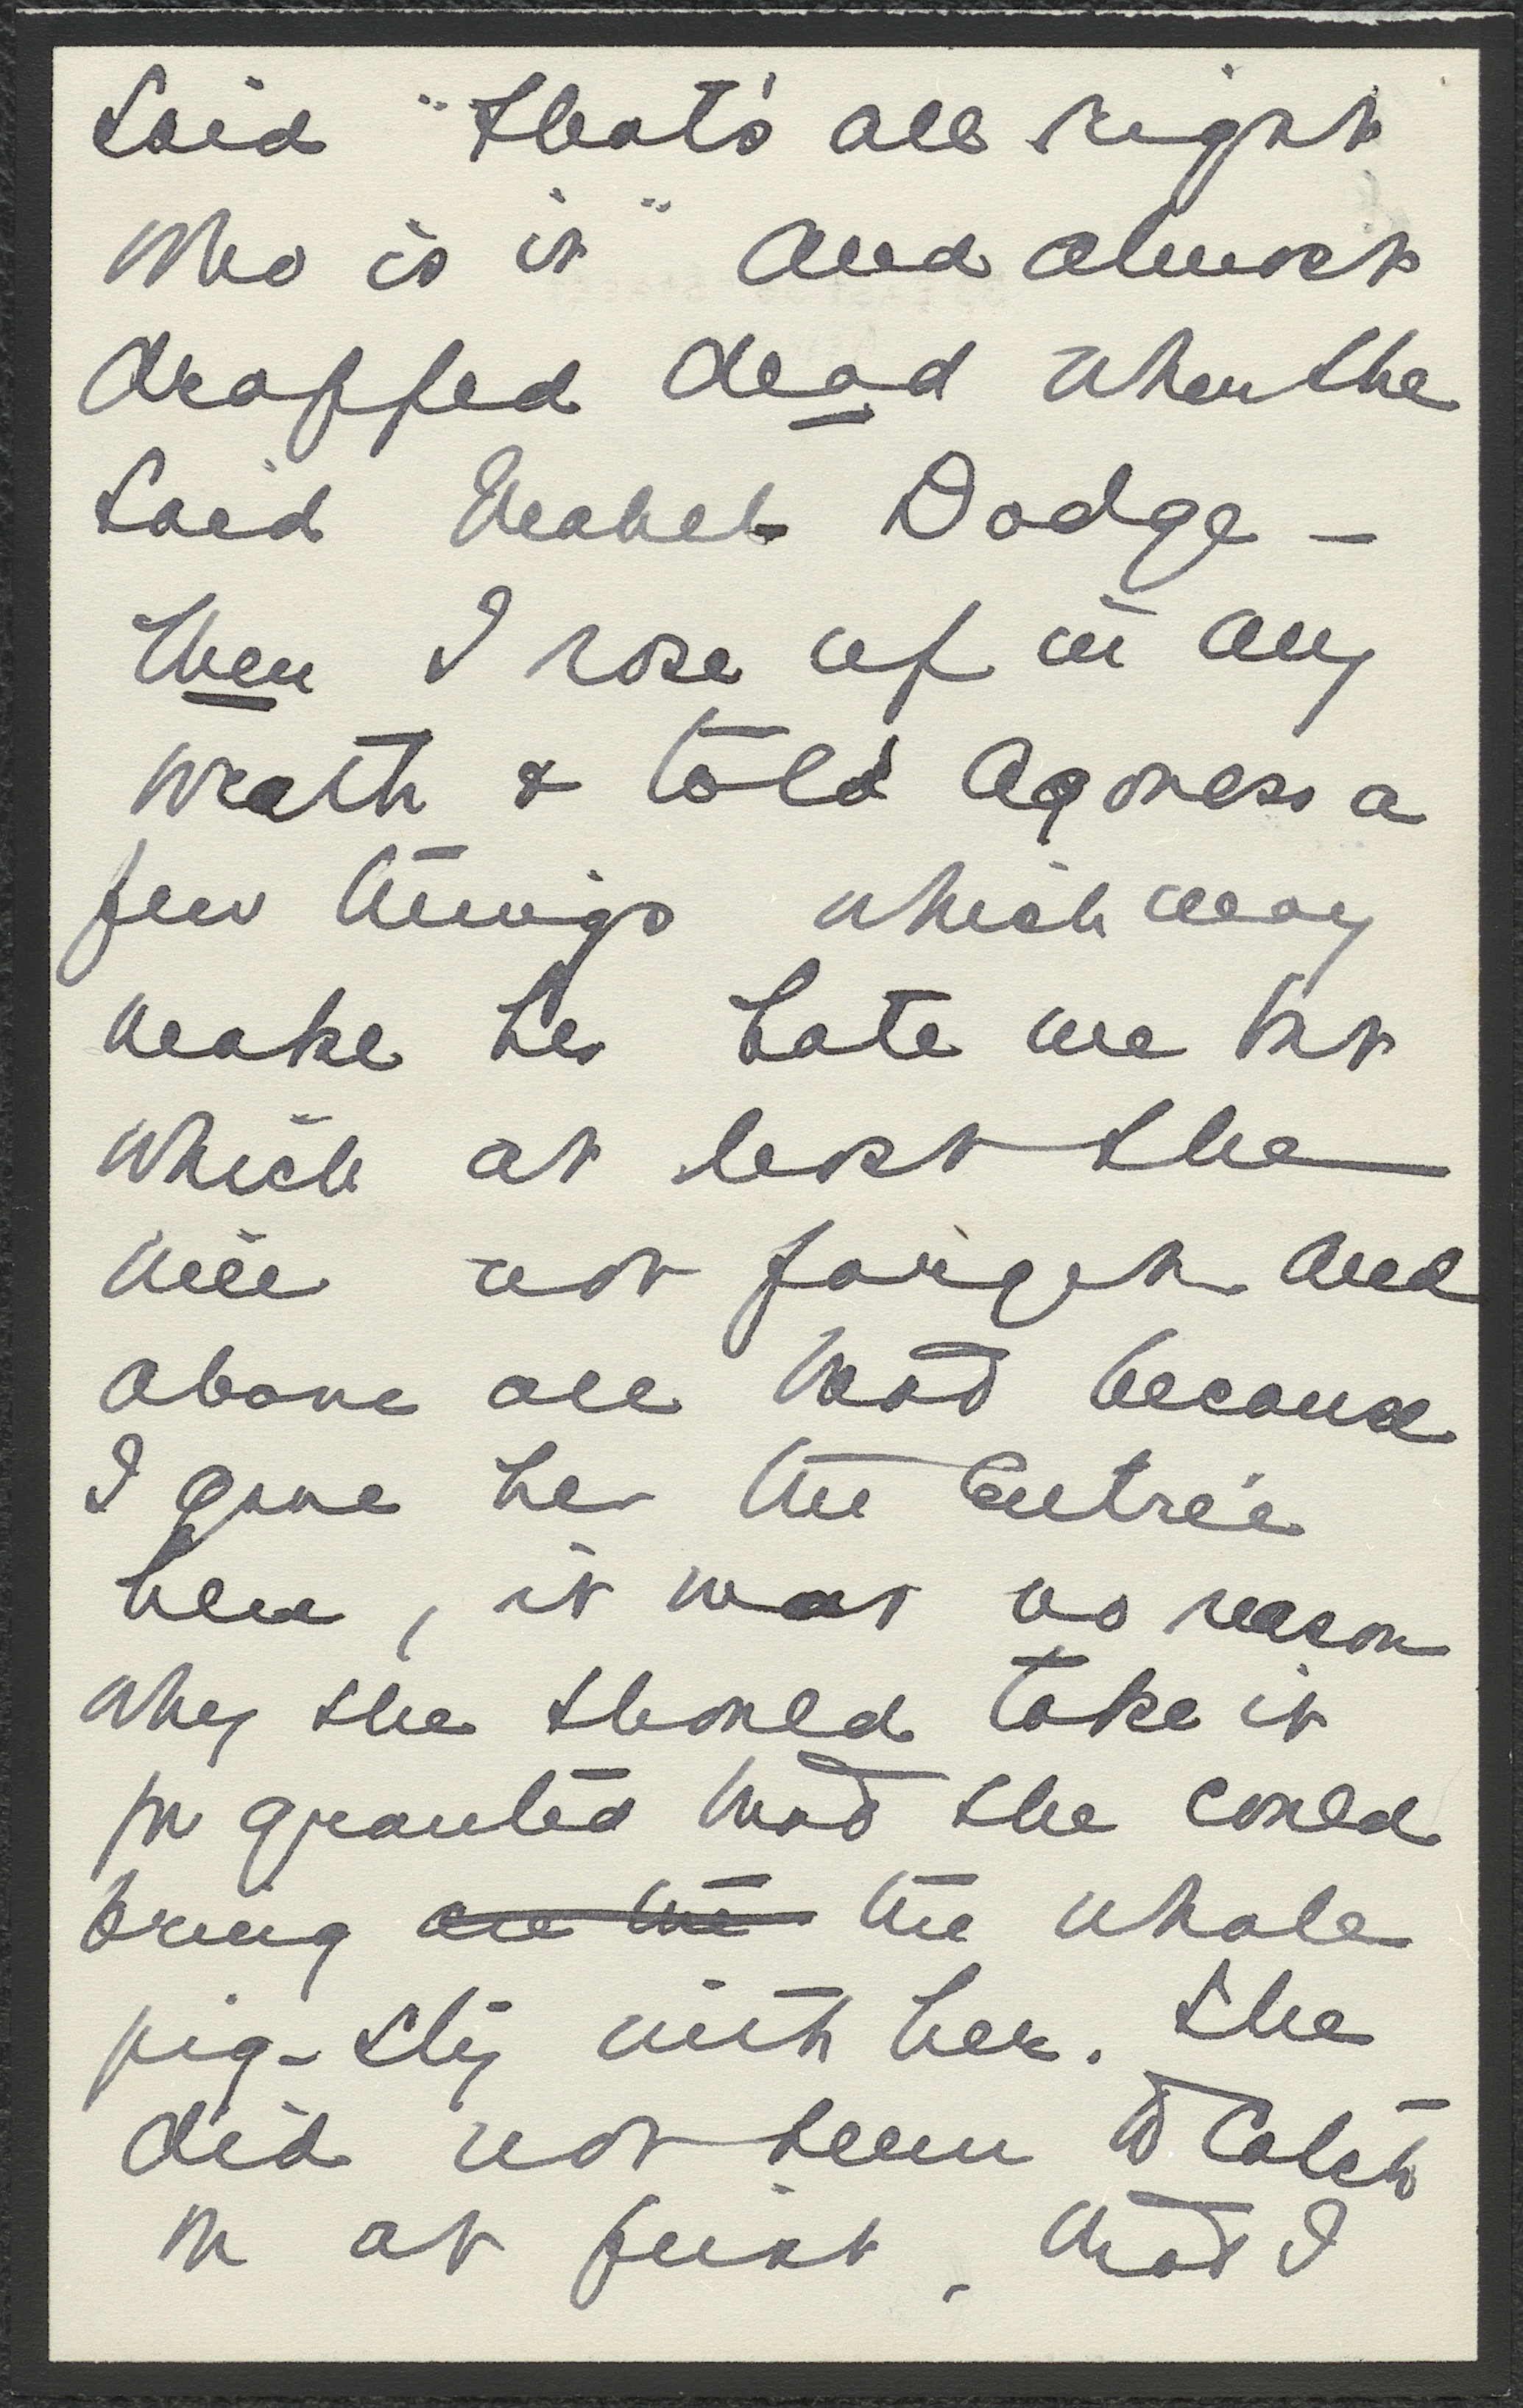said “That’s all right who is it” and almost dropped dead when she said Mabel Dodge – Then I rose up in my wrath & told Agoness a few things which may make her hate me but which at least she will not forget and above all that because I gave her the entrée here, it was no reason why she should take it for granted that she could bring all the the whole pig-sty with her. She did not seem to catch on at first, that I